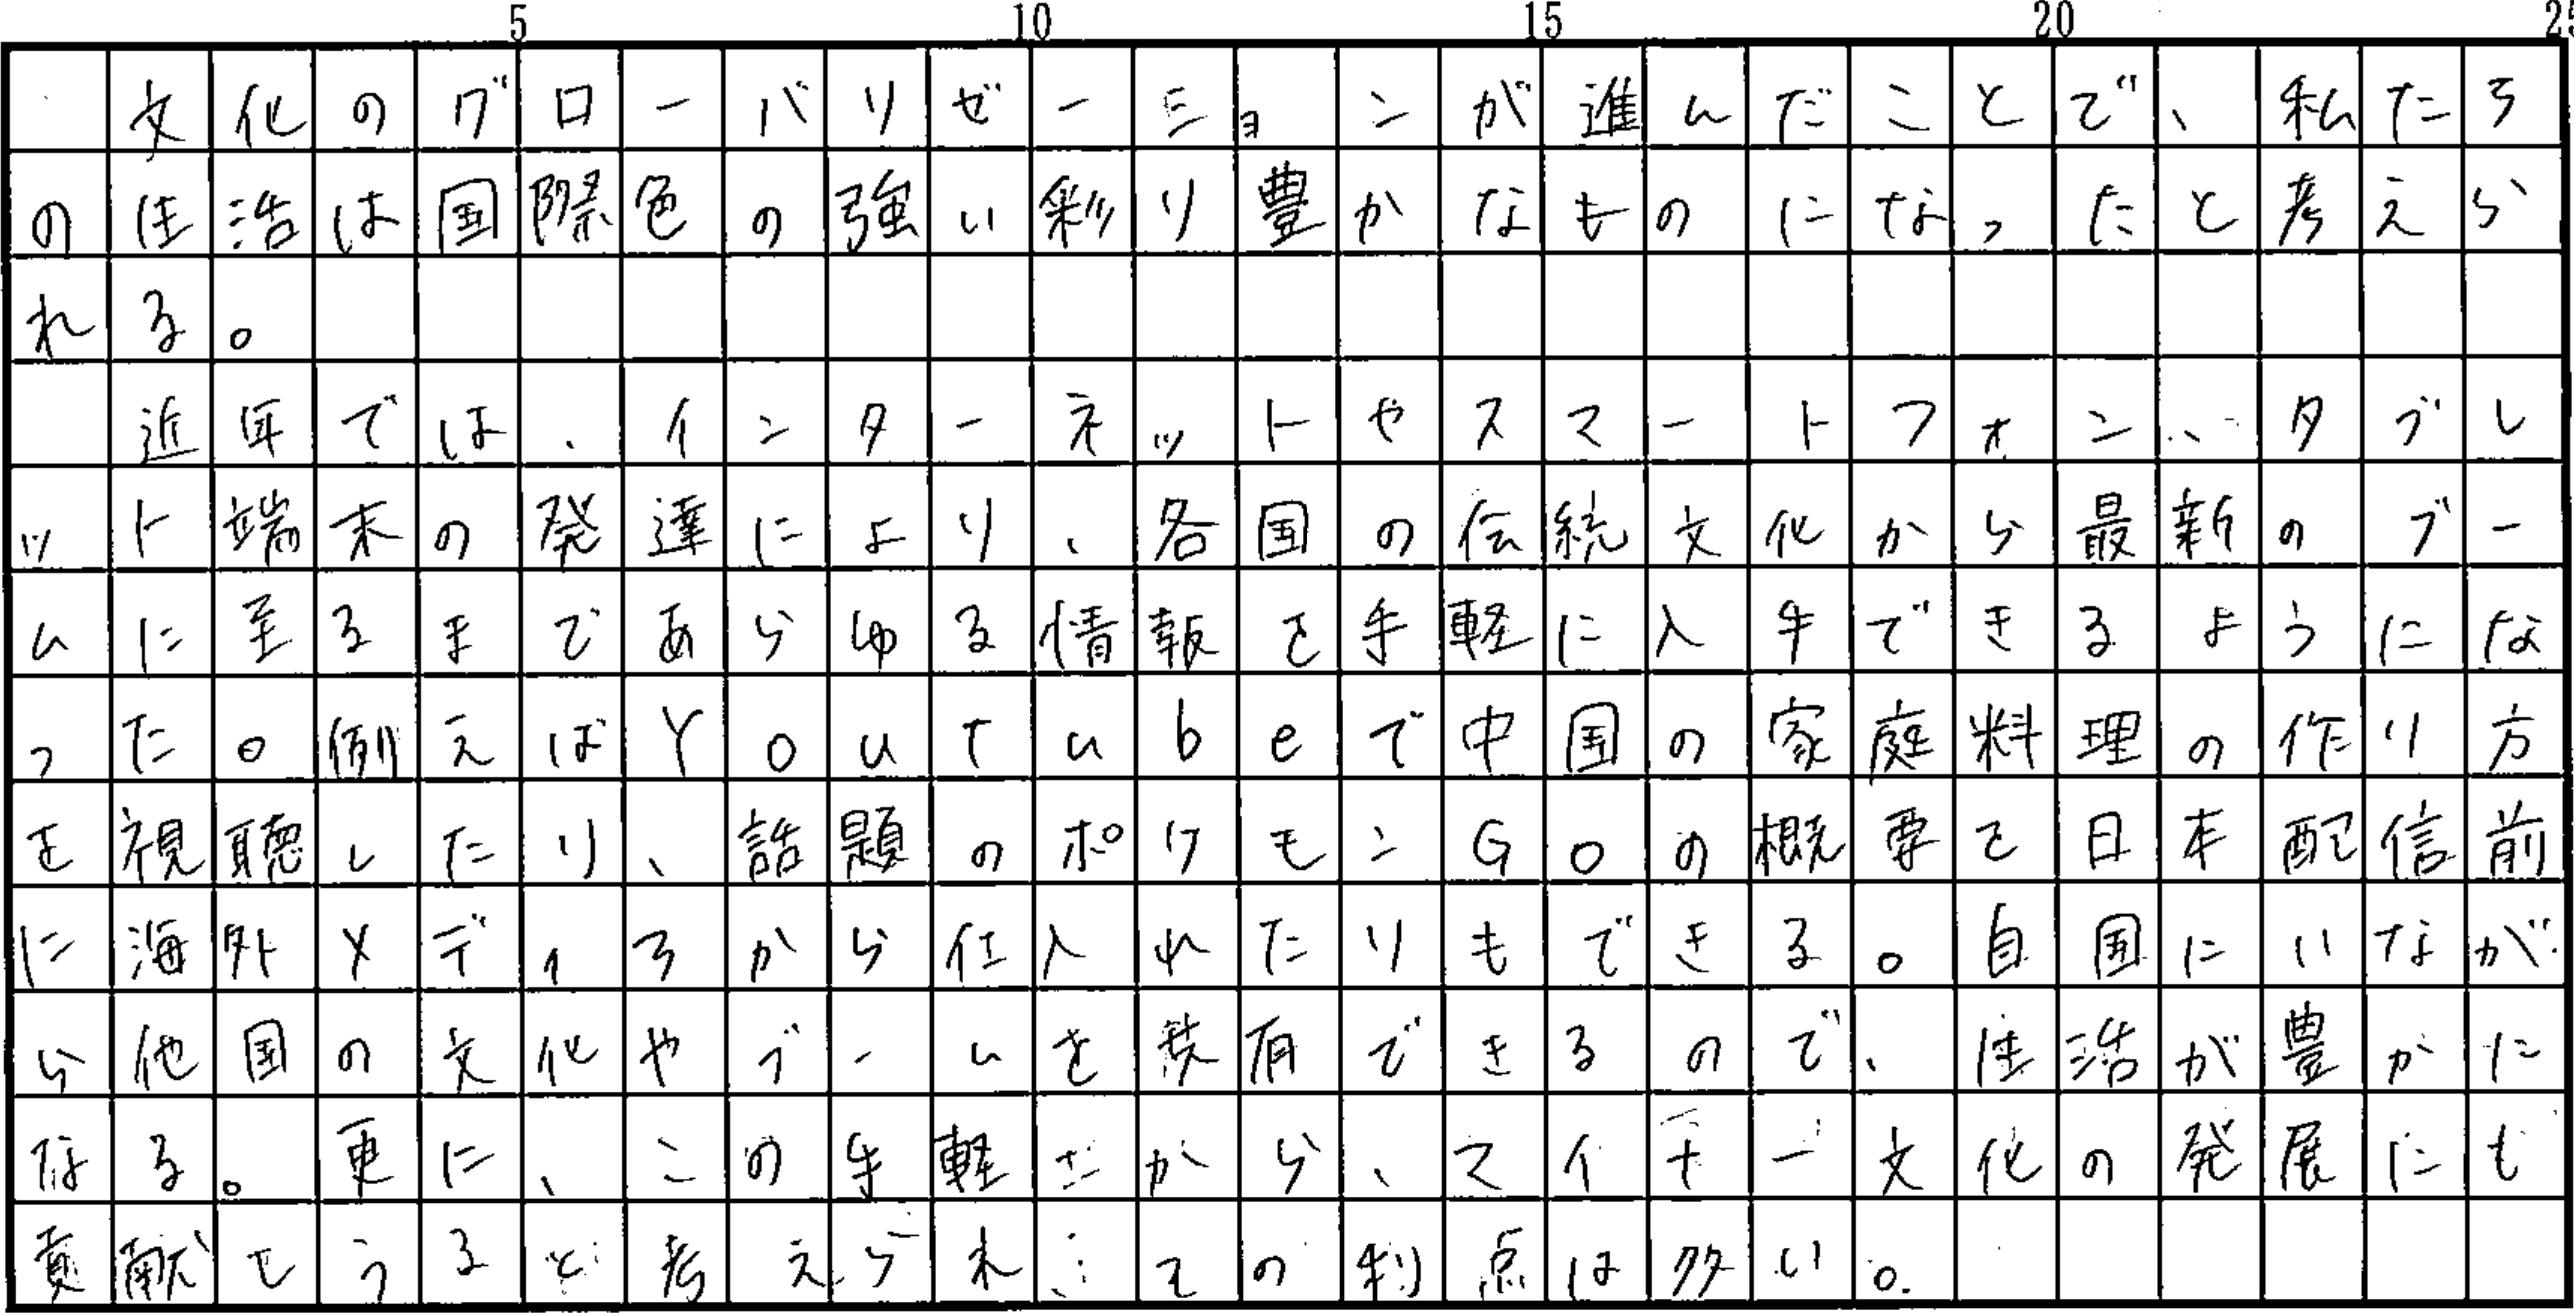　文化のグローバリゼーションが進んだことで、私たちの生活は国際色の強い彩り豊かなものになったと考えられる。
　近年では、インターネットやスマートフォン、タブレット端末の発達により、各国の伝統文化から最新のブームに至るまであらゆる情報を手軽に入手できるようになった。例えばＹｏｕｔｕｂｅで中国の家庭料理の作り方を視聴したり、話題のポケモンＧＯの概要を日本配信前に海外メディアから仕入れたりもできる。自国にいながら他国の文化やブームを共有できるので、生活が豊かになる。更に、この手軽さから、マイナー文化の発展にも貢献しうると考えられ、その利点は多い。
